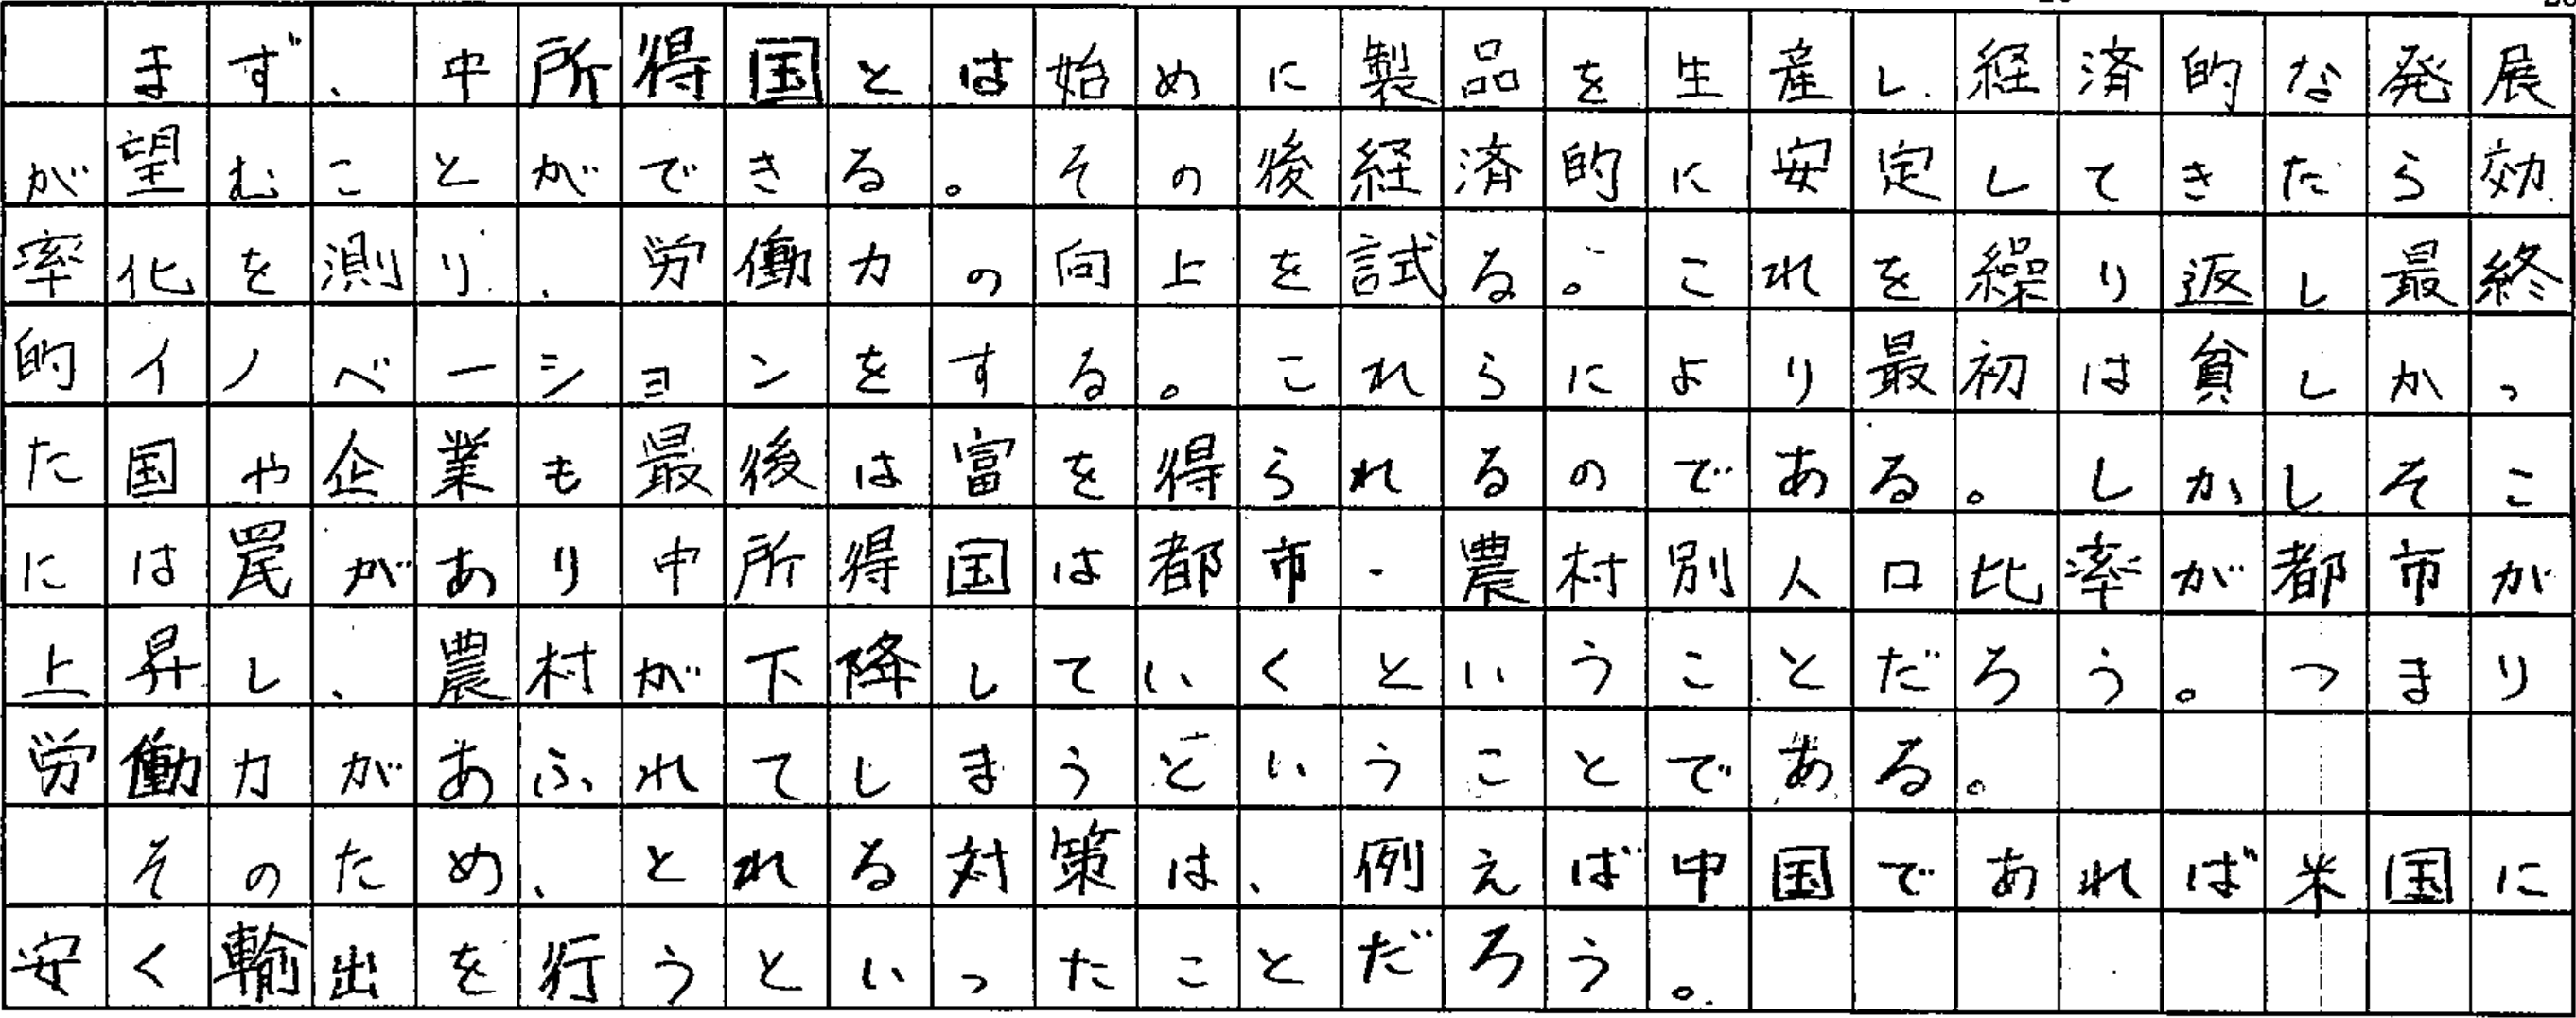　まず、中所得国とは始めに製品を生産し経済的な発展が望むことができる。その後経済的に安定してきたら効率化を測り、労働力の向上を試る。これを繰り返し最終的イノベーションをする。これらにより最初は貧しかった国や企業も最後は富を得られるのである。しかしそこには罠があり中所得国は都市・農村別人口比率が都市が上昇し、農村が下降していくということだろう。つまり労働力があふれてしまうということである。
　そのため、とれる対策は、例えば中国であれば米国に安く輸出を行うといったことだろう。
